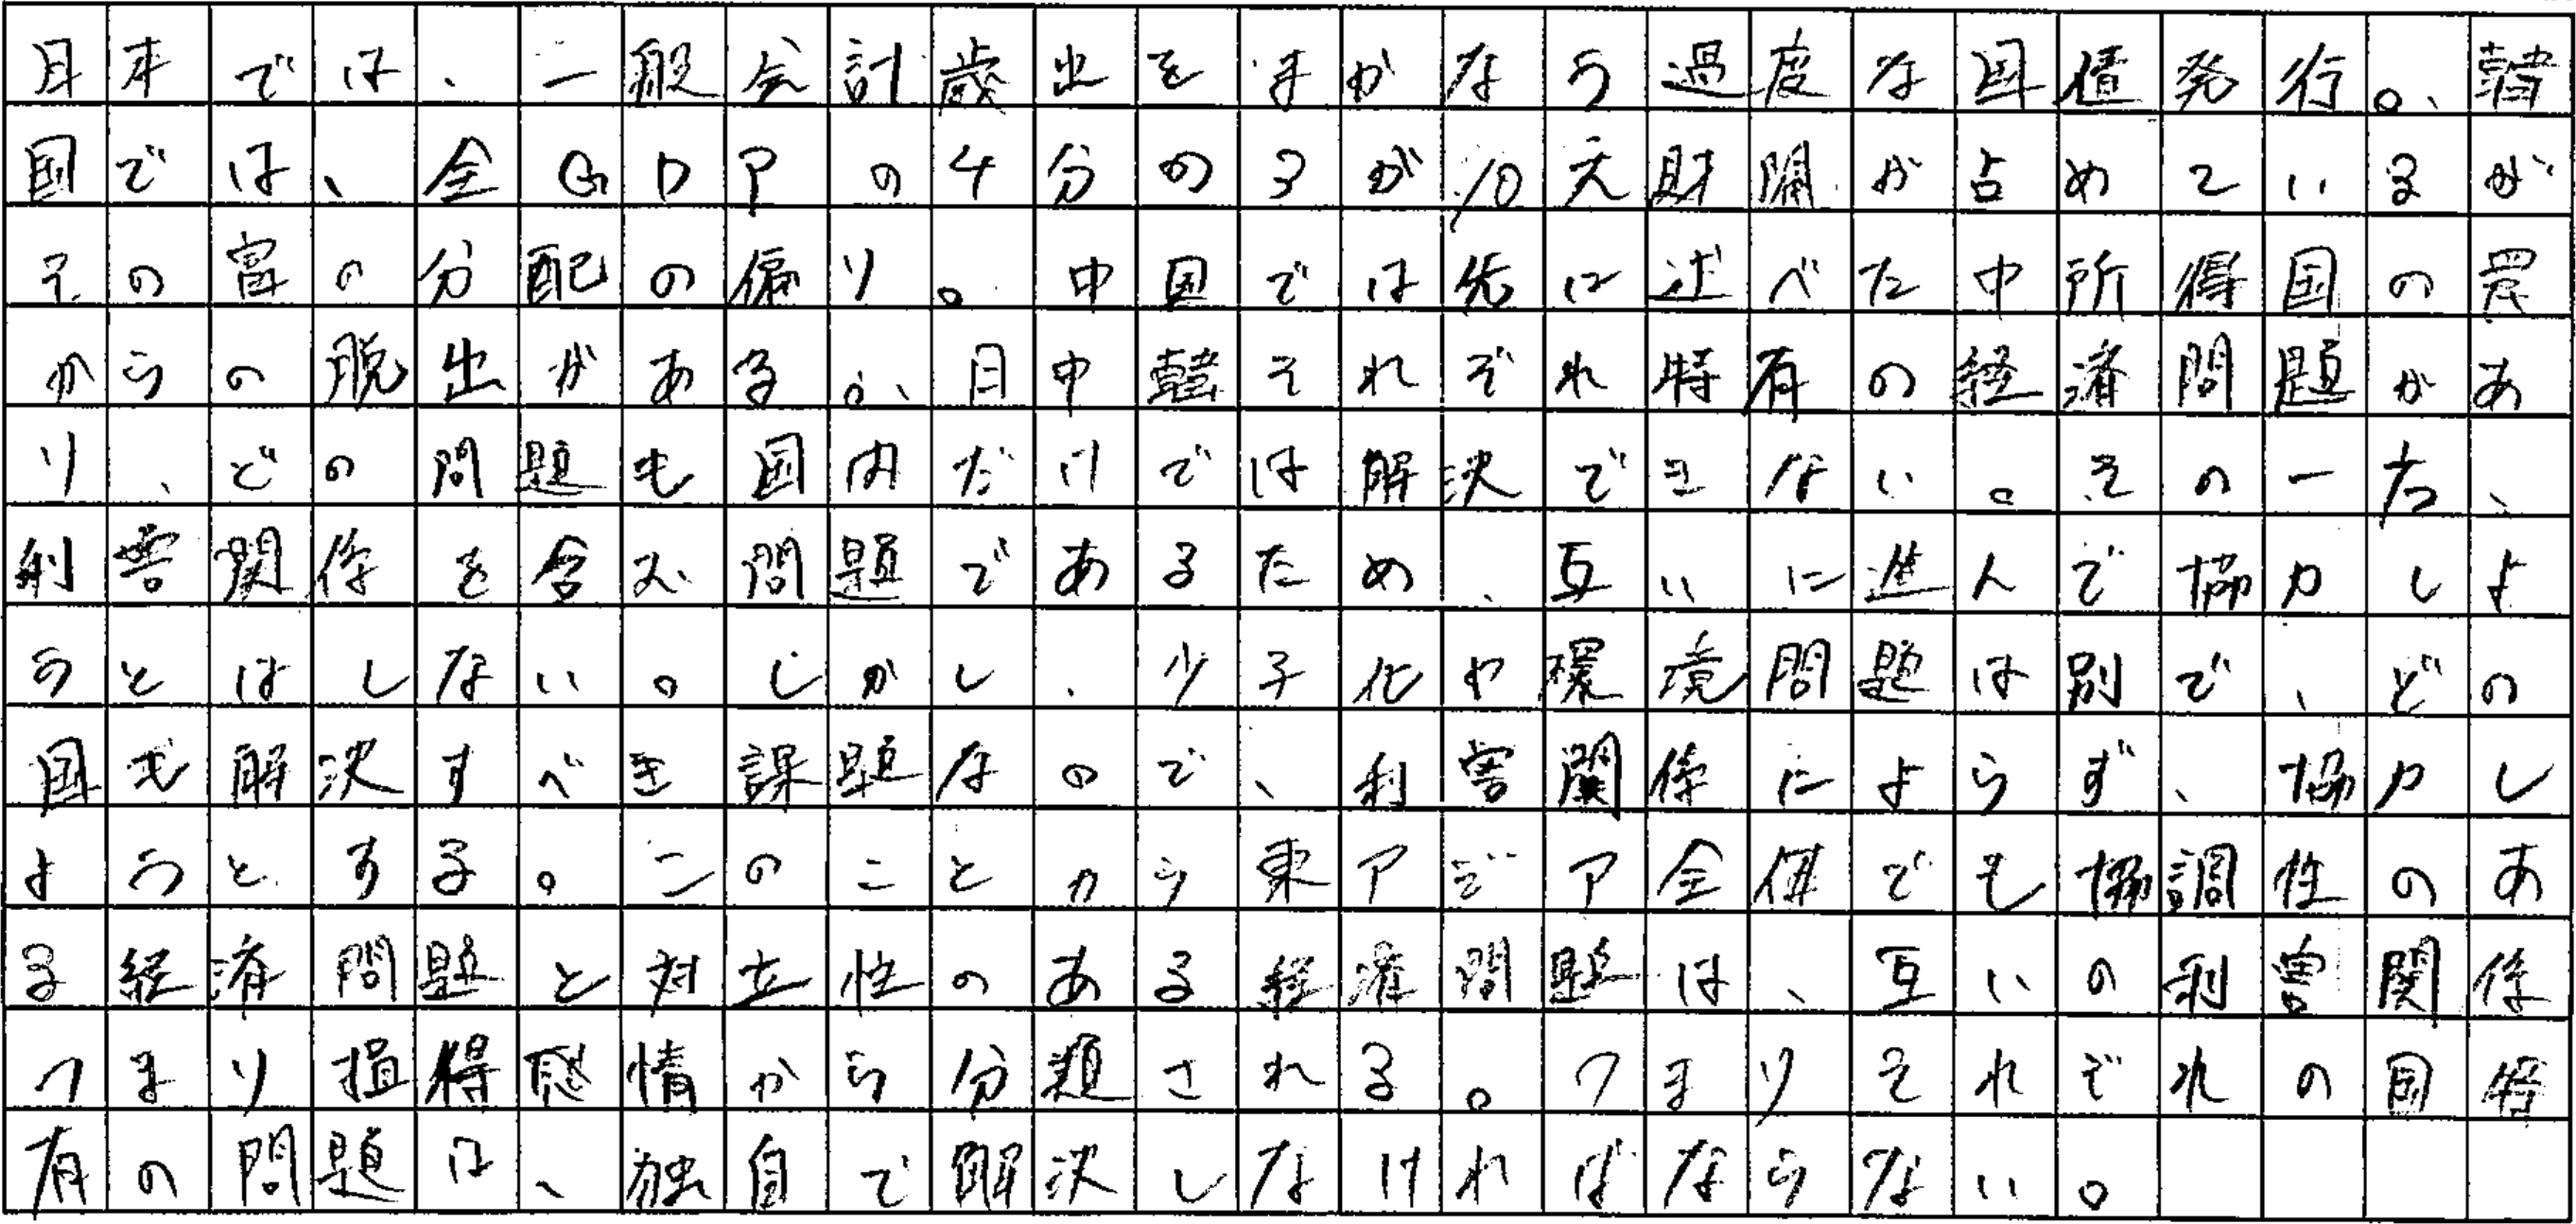日本では、一般会計歳出をまかなう過度な国債発行。韓国では、全ＧＤＰの４分の３が10大財閥が占めているがその富の分配の偏り。中国では先に述べた中所得国の罠からの脱出がある。日中韓それぞれ特有の経済問題があり、どの問題も国内だけでは解決できない。その一方、利害関係を含む問題であるため、互いに進んで協力しようとはしない。しかし、少子化や環境問題は別で、どの国も解決すべき課題なので、利害関係によらず、協力しようとする。このことから東アジア全体でも協調性のある経済問題と対立性のある経済問題は、互いの利害関係つまり損得感情から分類される。つまりそれぞれの国特有の問題は、独自で解決しなければならない。
